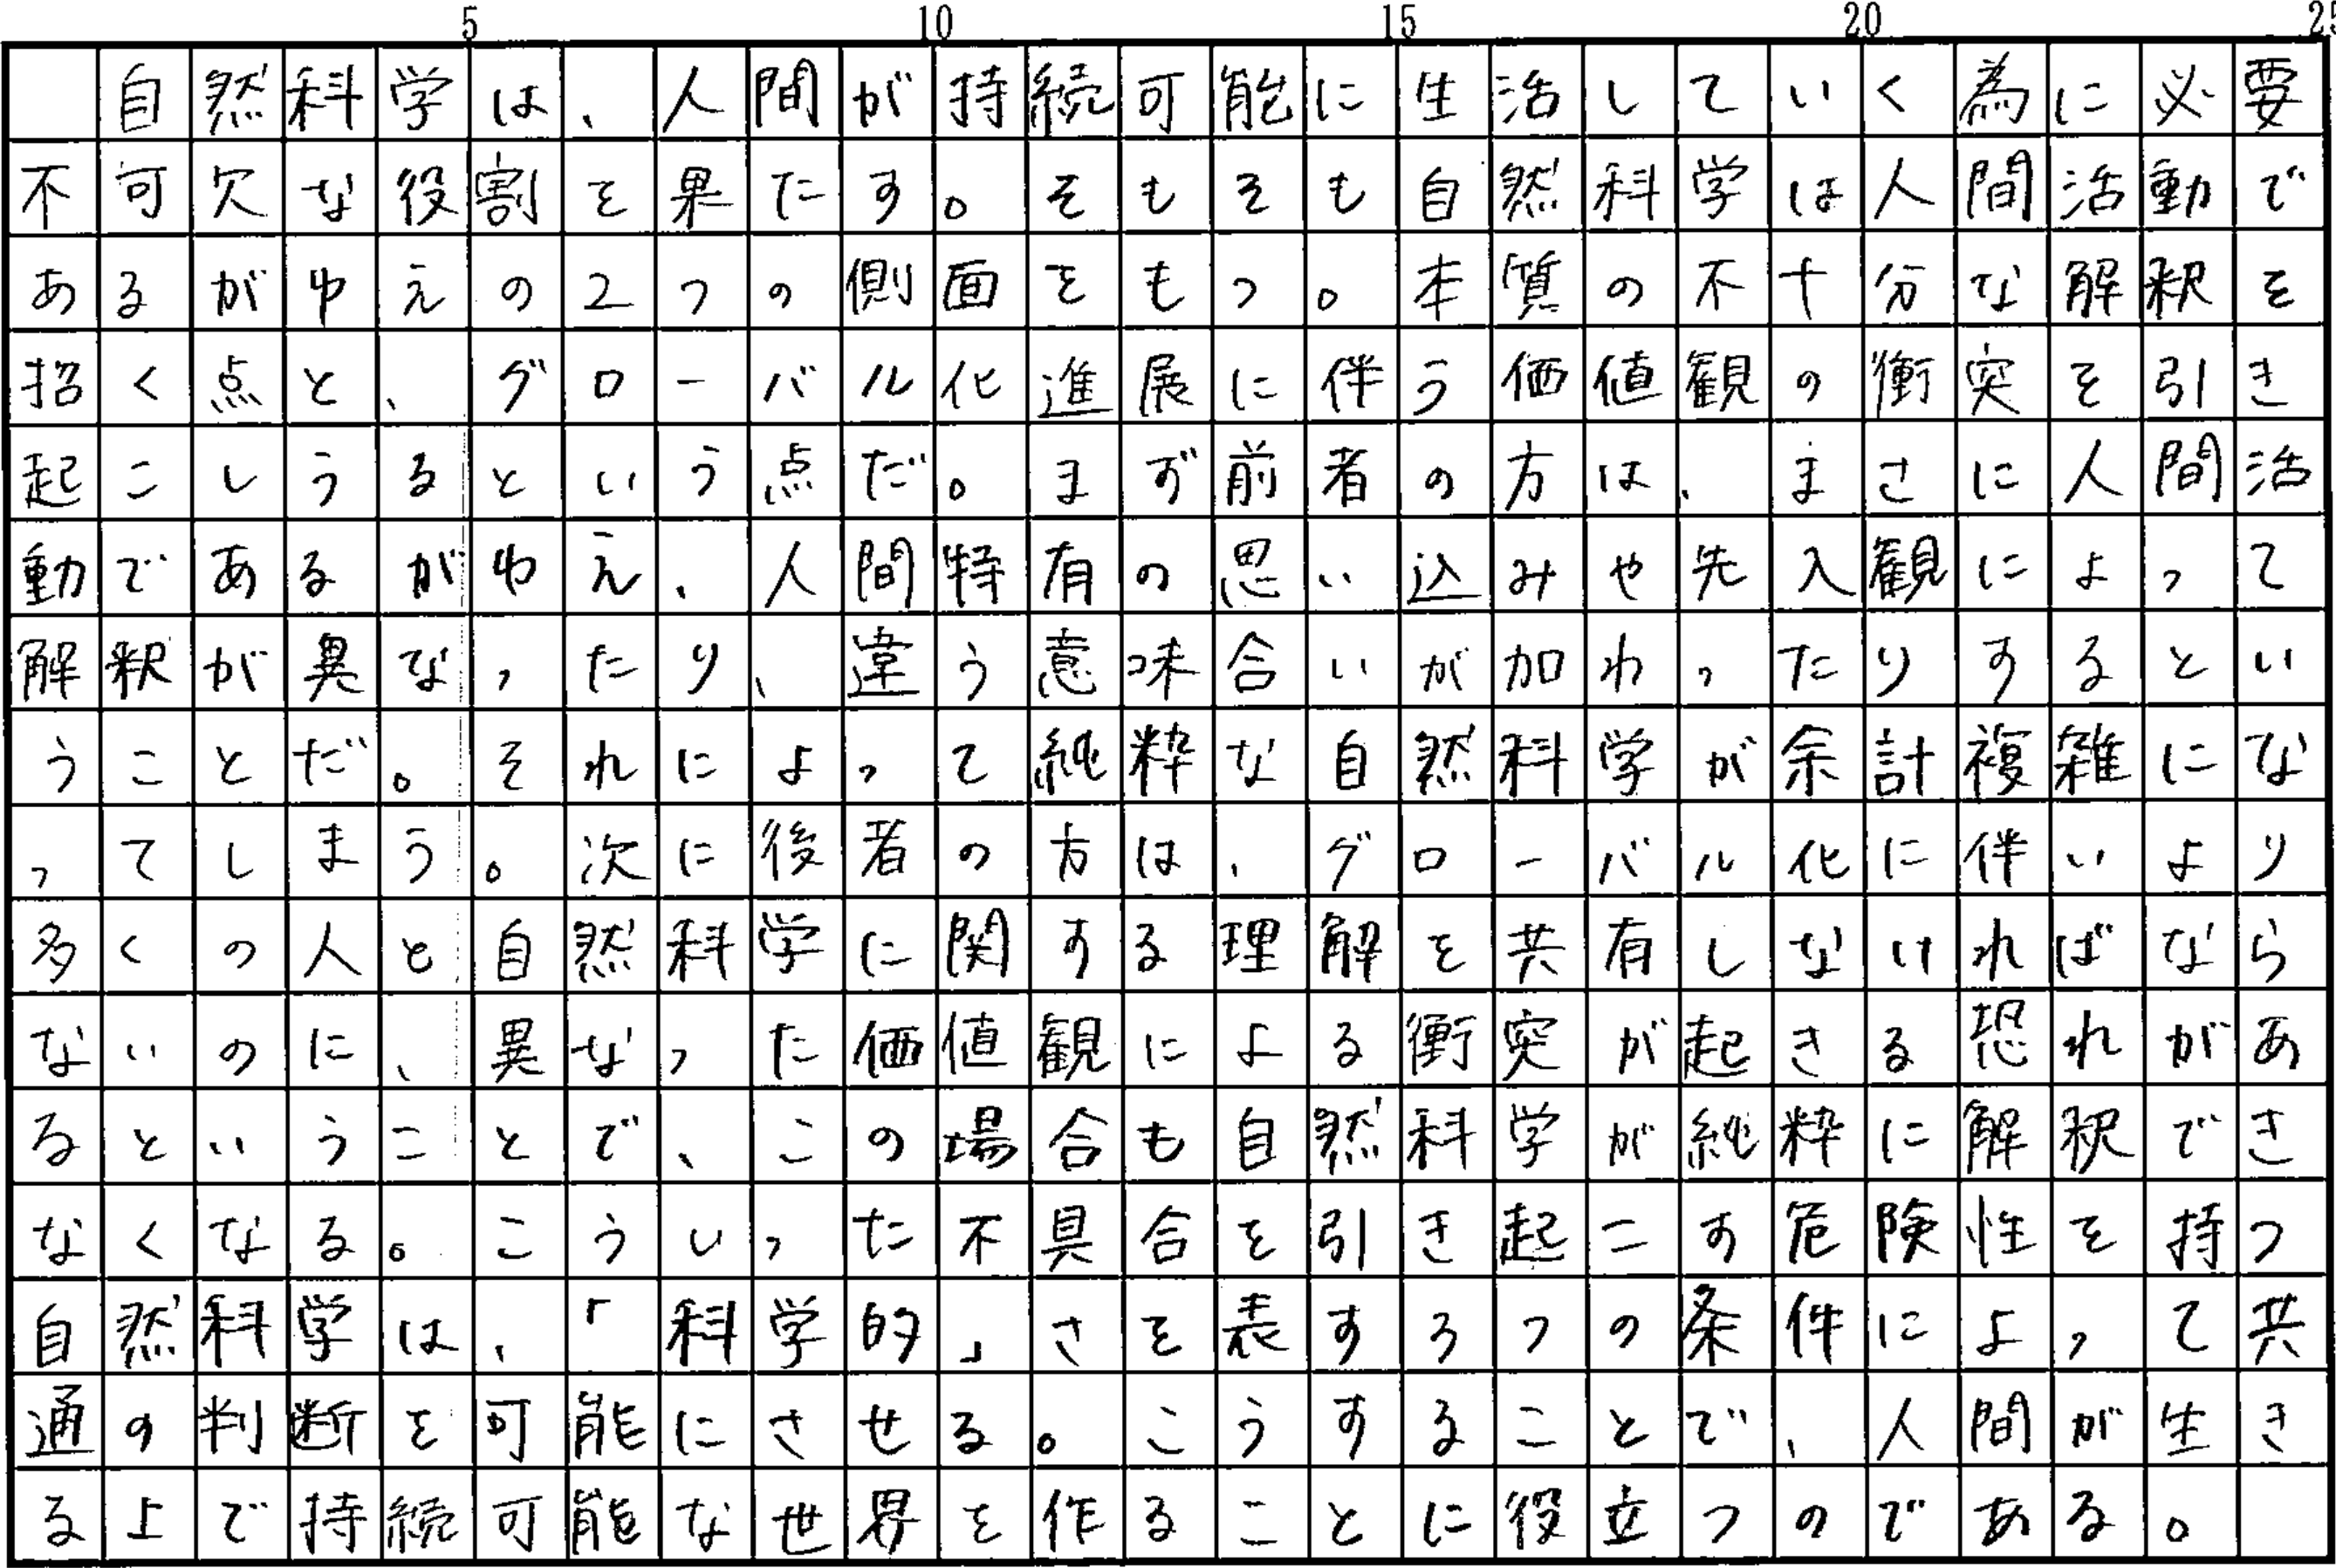　自然科学は、人間が持続可能に生活していく為に必要不可欠な役割を果たす。そもそも自然科学は人間活動であるがゆえの２つの側面をもつ。本質の不十分な解釈を招く点と、グローバル化進展に伴う価値観の衝突を引き起こしうるという点だ。まず前者の方は、まさに人間活動であるがゆえ、人間特有の思い込みや先入観によって解釈が異なったり、違う意味合いが加わったりするということだ。それによって純粋な自然科学が余計複雑になってしまう。次に後者の方は、グローバル化に伴いより多くの人と自然科学に関する理解を共有しなければならないのに、異なった価値観による衝突が起きる恐れがあるということで、この場合も自然科学が純粋に解釈できなくなる。こういった不具合を引き起こす危険性を持つ自然科学は、「科学的」さを表す３つの条件によって共通の判断を可能にさせる。こうすることで、人間が生きる上で持続可能な世界を作ることに役立つのである。
